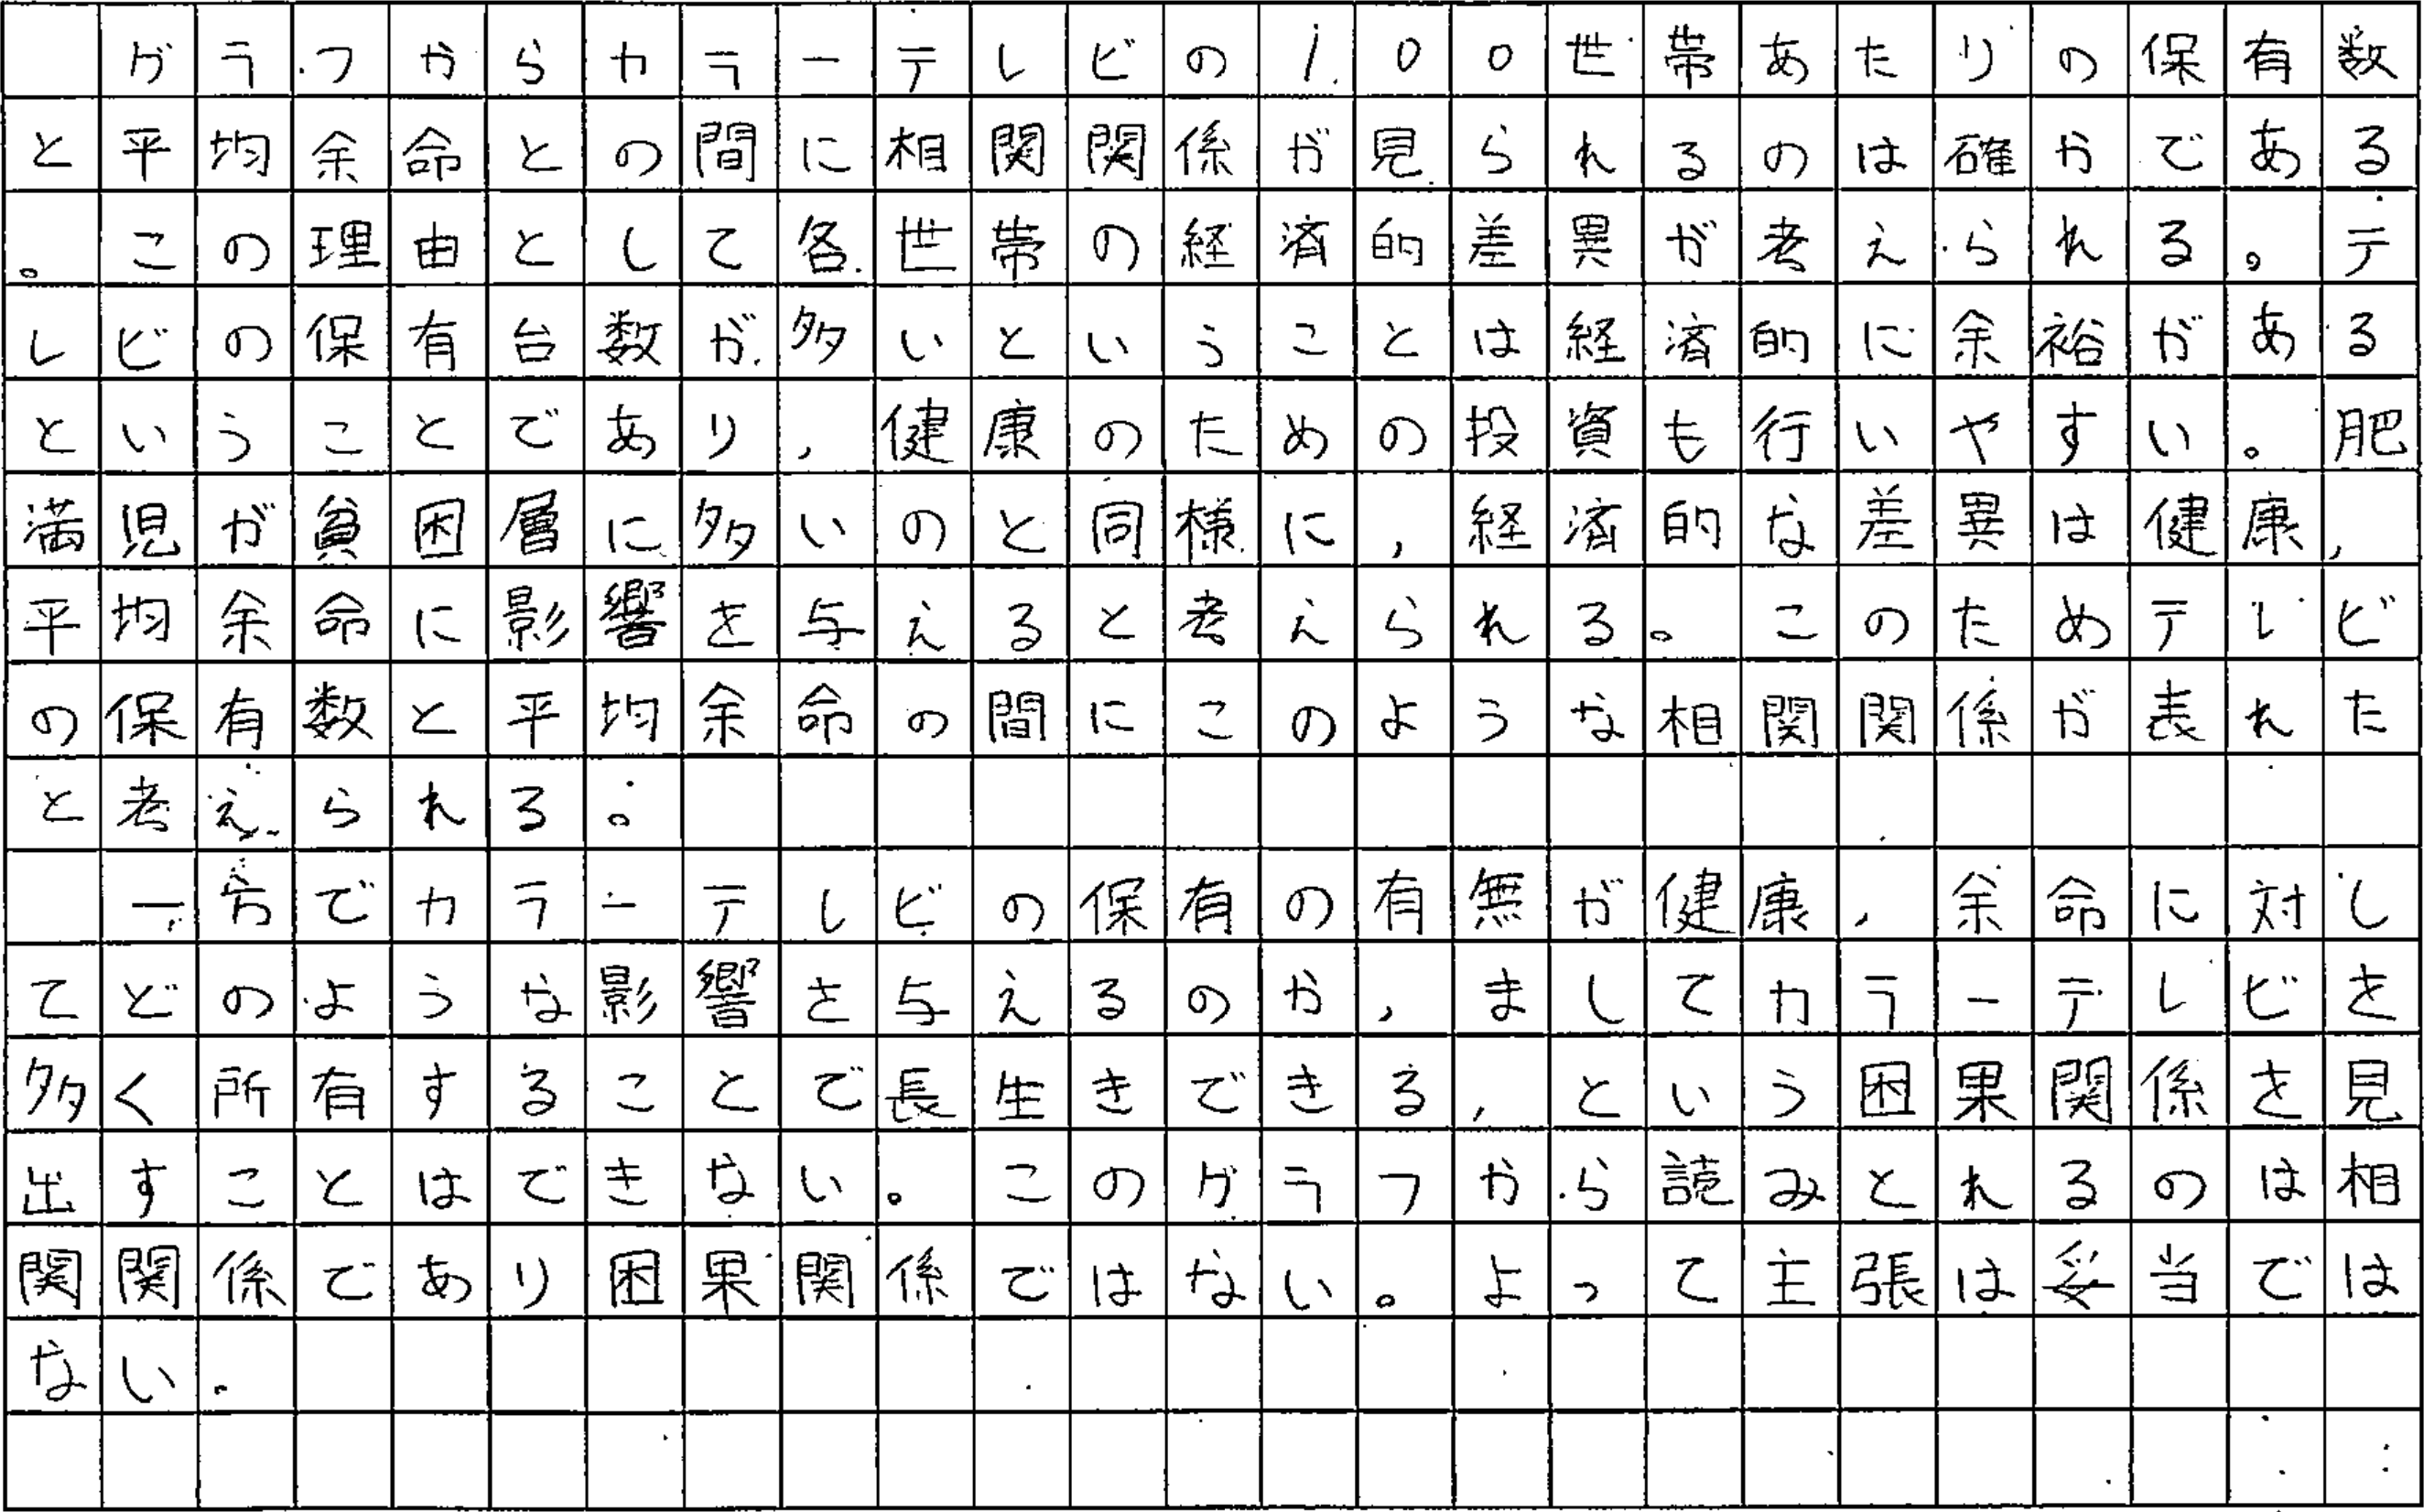　グラフからカラーテレビの１００世帯あたりの保有数と平均余命との間に相関関係が見られるのは確かである。この理由として各世帯の経済的差異が考えられる。テレビの保有台数が多いということは経済的に余裕があるということであり、健康のための投資も行いやすい。肥満児が貧困層に多いのと同様に、経済的な差異は健康、平均余命に影響を与えると考えられる。このためテレビの保有数と平均余命の間にこのような相関関係が表れたと考えられる。
　一方でカラーテレビの保有の有無が健康、余命に対してどのような影響を与えるのか、ましてカラーテレビを多く所有することで長生きできる、という因果関係を見出すことはできない。このグラフから読みとれるのは相関関係であり因果関係ではない。よって主張は妥当ではない。
